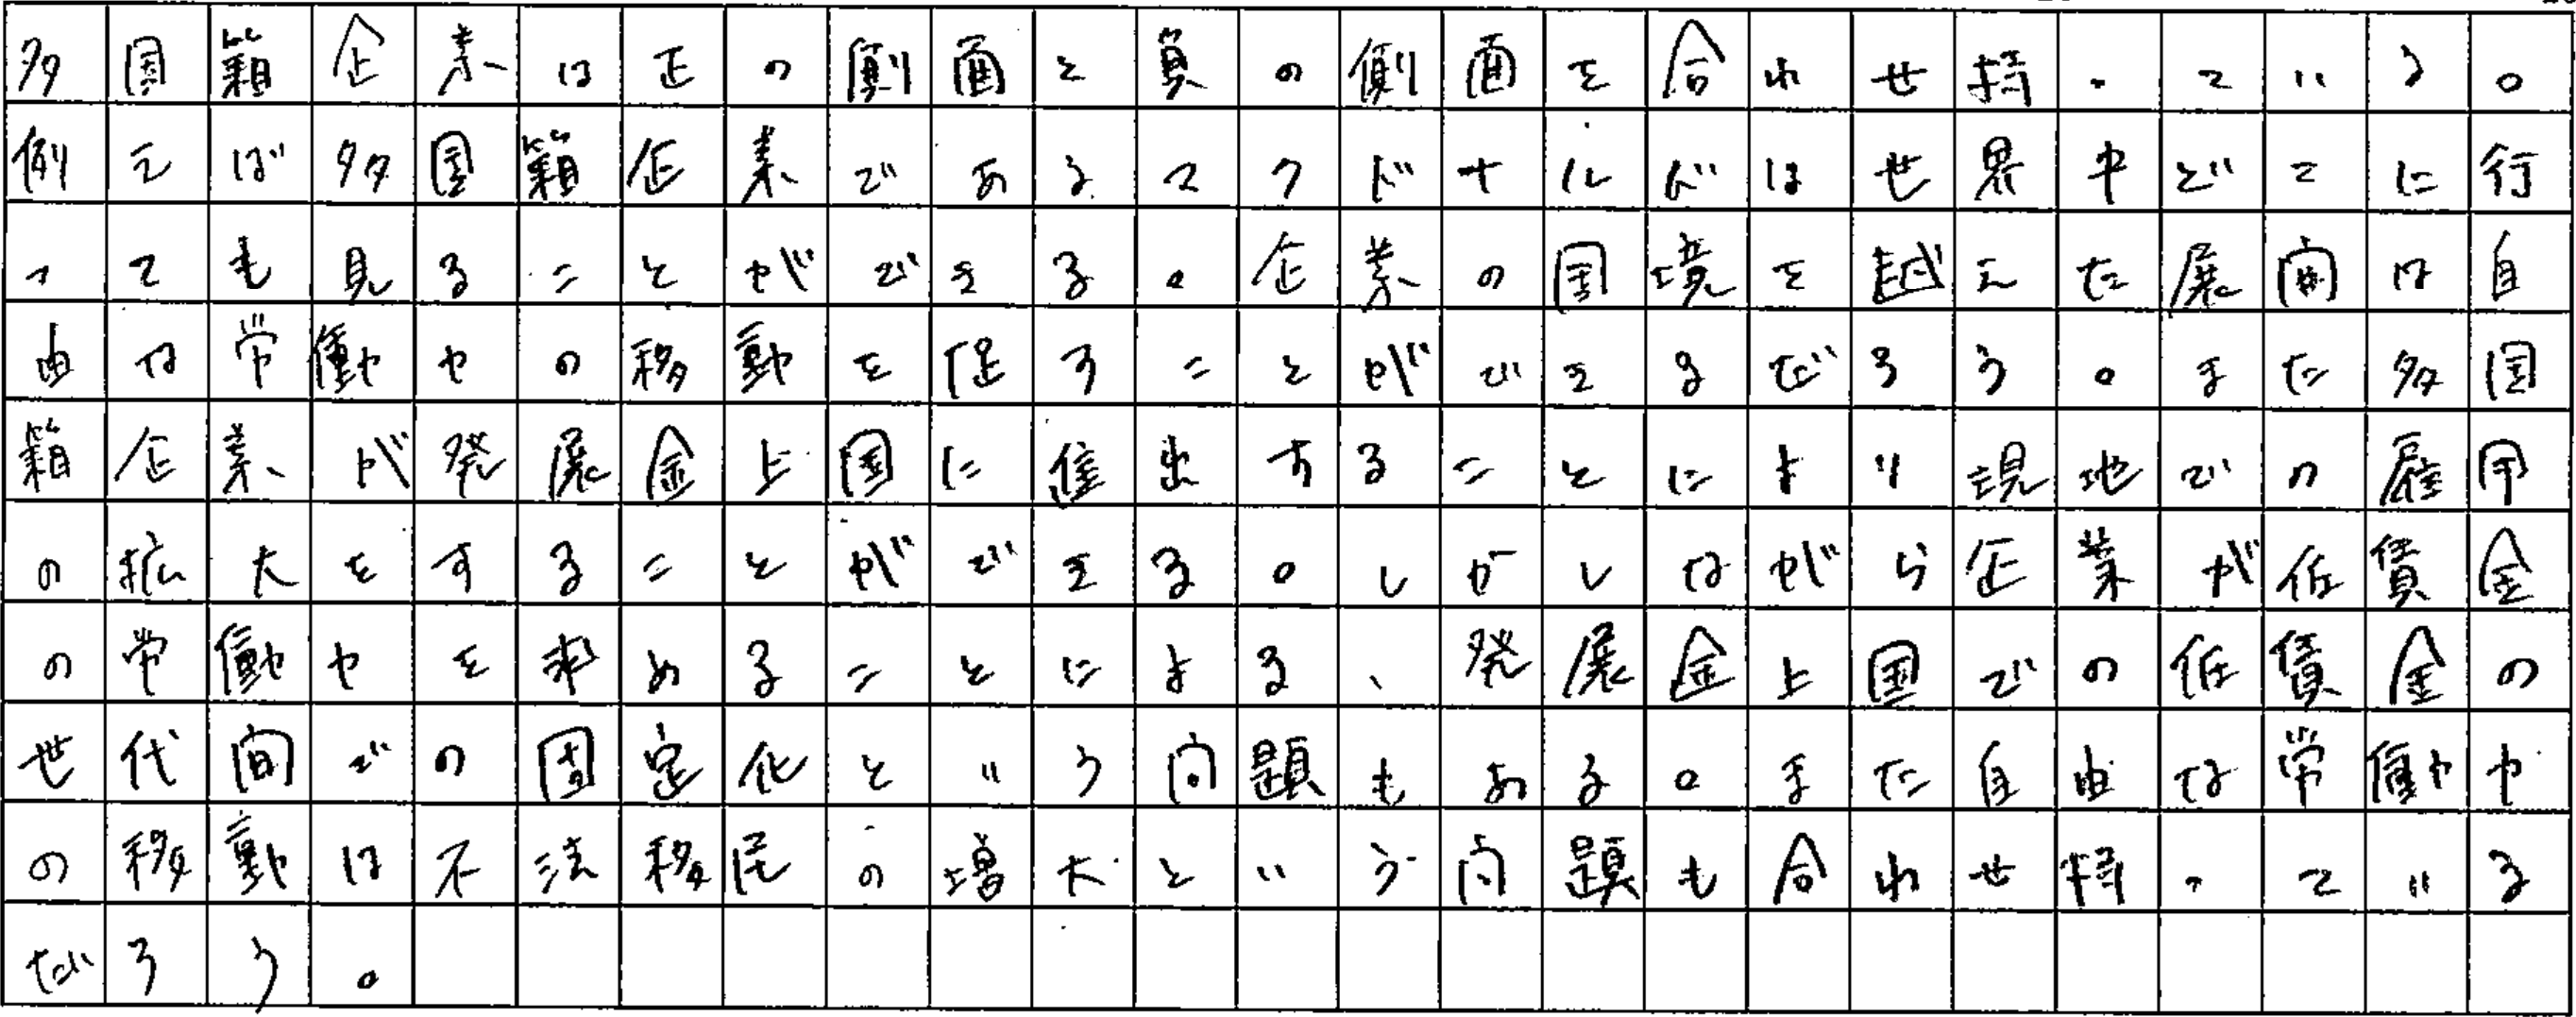多国籍企業は正の▁面と負の▁面を合わせ持っている。例えば多国籍企業であるマクドナルドは世界中どこに行っても見ることができる。企業の国境を越えた▁開は自由な労働力の移動を促すことができるだろう。また多国籍企業が発▁途上国に進出することにより現地での雇用の拡大をすることができる。しかしながら企業が低賃金の労働力を求めることによる、発展途上国での低賃金の世代間での固定化という問題もある。また自由な労働力の移動は不法移民の増大という問題も合わせ持っているだろう。
